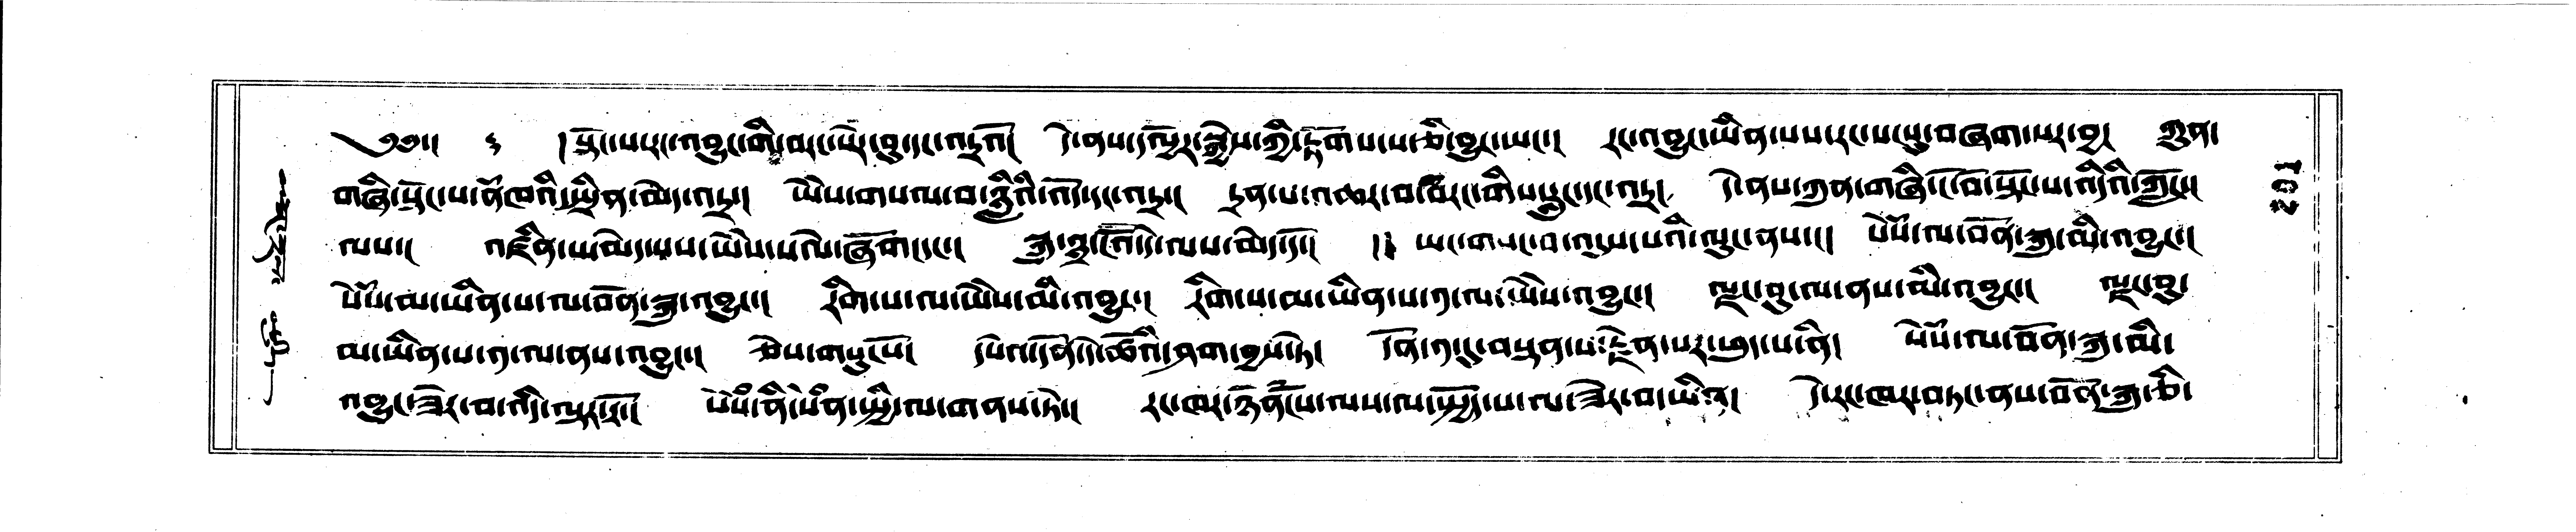སྟོང་པ་རང་འབྱུང་བར་སྣང་གིས་སེར་བུ་དང་འདྲའ། དེ་ན་ཐོལ་སྐྱེས་ཀྱིས་རྟོག་པ་ཅི་འབྱུང་ཡང་། རང་འབྱུང་ཡིན་པས་རང་སངས་སུ་བཞགས་པར་བྱའོ། ཀུན་
གཞི་སྟོང་པ་ནམ་མཁའ་སྤྲིན་མེད་འདྲ། ཡེ་ཤེས་གསལ་བ་ཉི་ཟླའི་འོད་དང་འདྲ། དྲན་པ་གསལ་བ་བར་སྣང་གིས་རླུང་པོ་འདྲ། དེ་ནས་ཀུན་གཞིའི་ངོའོ་སྟོང་པའི་ཀློང་
ལས་ འཛིན་པ་མེད་པའི་ཡེ་ཤེས་སལེ་ཞོག་དང་། སྐུ་གསུམ་གྱིས་ངོའོ་དེ་ལས་མེད། ཡང་གསང་བ་འདུས་པའི་ལུང་ནས། སེམས་ལས་བོན་སྐུ་མི་འབྱུང་། 
སེམས་མ་ཡིན་བ་གཅིག་ལས་བོན་སྐུ་འབྱུང་། རིག་པ་ལས་ཡེ་ཤེས་མི་འབྱུང་། རིག་པ་མ་ཡིན་པ་གཅིག་ལས་ཡེ་ཤེས་འབྱུང་། ལྗང་བུ་ལ་ནས་མི་འབྱུང་། ལྗང་བུ་
མ་ཡིན་བ་གཅིག་ལས་ནས་འབྱུང་། ཅེས་གསུངས་སོ། དཔེ་དོན་དེ་ཚོ་གསལ་ཤགས་སུ་ཕྱེ་སྟེ། དོན་གཅིག་དུ་བསྟན་པ་རྗེན་པར་ཕུད་པ་ཡིན། སེམས་ལས་བོན་སྐུ་མི་
འབྱུང་ཟེར་བ་ནི། འདི་ལྟར་རོ། སེམས་ནི་སེམས་སྤྱི་ལ་གནས་ཏེ། རང་ཁར་ཉོན་མོངས་སྤྱོད་པ་ལ་ཟེར་བ་ཡིན། དེ་རང་ཁར་བཏང་ན་བོན་སྐུ་ཅི་